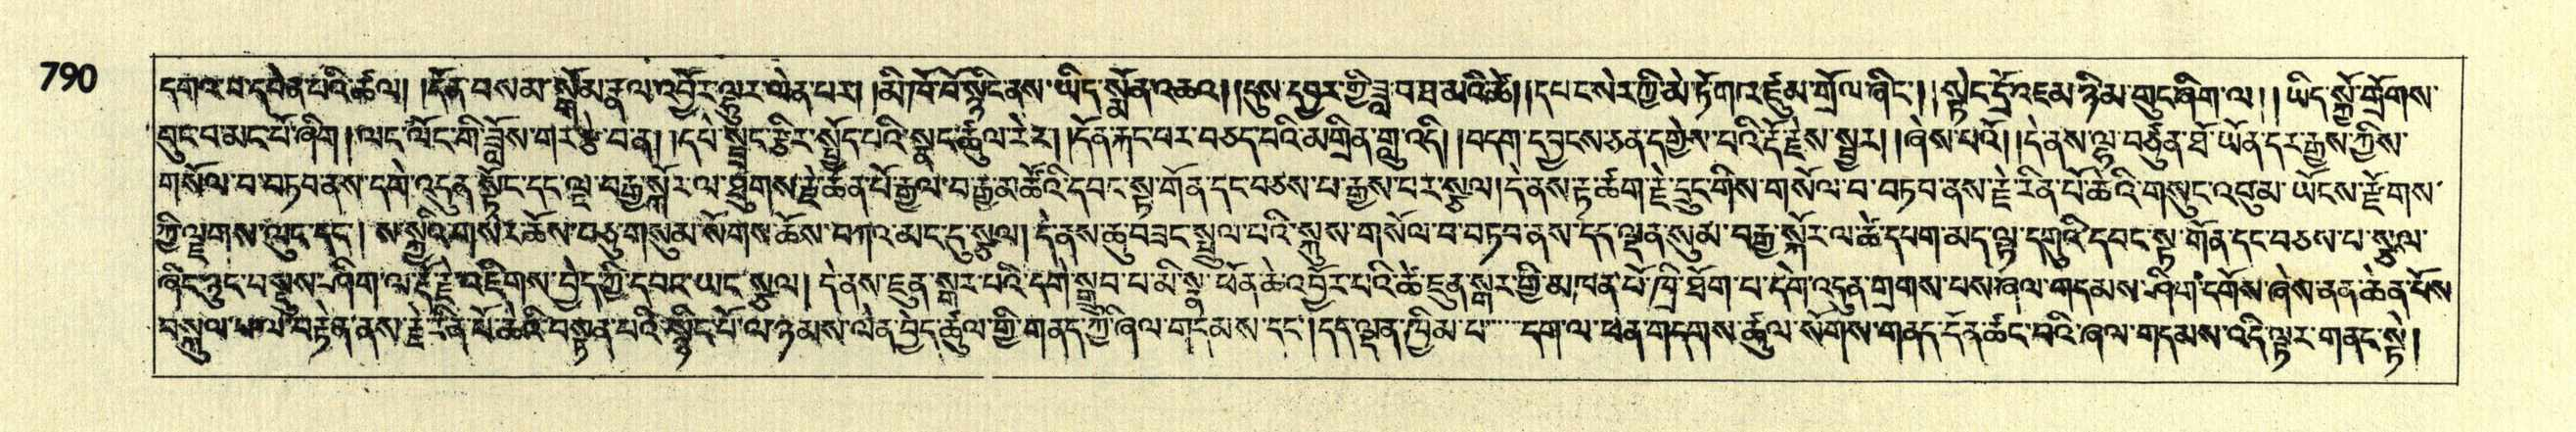དགའ་བ་དབེན་པའི་ཚལ། །དོན་བསམ་སྒོམ་རྣལ་འབྱོར་ལྷུར་ལེན་པར། །མི་ཁོ་བོ་སྙིང་ནས་ཡིད་སྨོན་འཆའ། །དུས་དབྱར་གྱི་ཟླ་བ་ཐ་མའི་ཚེ། །དཔང་སེར་ཀྱི་མེ་ཏོག་འཛུམ་གྲོལ་ཞིང་། །སྟེང་དྲོ་འཇམ་ཉི་མ་གུང་ཞིག་ལ། །ཡིད་སྐྱོ་གྲོགས་
བུང་བ་མང་པོ་ཞིག །ལང་ལོང་གི་ཟློས་གར་རྩེ་བ་ན། །དཔེ་སྦྲང་རྩིར་སྤྱོད་པའི་སྣང་ཚུལ་རེར། །དོན་རྐང་པར་བཅད་པའི་མགྲིན་གླུ་འདི། །བདག་དབྱངས་ཅན་དགྱེས་པའི་རྡོ་རྗེས་སྦྱར། །ཞེས་པའོ། །དེ་ནས་ལྷ་བཙུན་ཐོ་ཡོན་དར་རྒྱས་ཀྱིས་
གསོལ་བ་བཏབ་ནས་དགེ་འདུན་སྟོང་དང་ལྔ་བརྒྱ་སྐོར་ལ་ཐུགས་རྗེ་ཆེན་པོ་རྒྱལ་བ་རྒྱ་མཚོའི་དབང་སྟ་གོན་དང་བཅས་པ་རྒྱས་པར་སྩལ། དེ་ནས་རྟ་ཚག་རྗེ་དྲུང་གིས་གསོལ་བ་བཏབ་ནས་རྗེ་རིན་པོ་ཆེའི་གསུང་འབུམ་ཡོངས་རྫོགས་
ཀྱི་ལྗགས་ལུང་དང་། ས་སྐྱའི་གསེར་ཆོས་བཅུ་གསུམ་སོགས་ཆོས་བཀའ་མང་དུ་སྩལ། དེ་ནས་ཆུ་བཟང་སྤྲུལ་པའི་སྐུས་གསོལ་བ་བཏབ་ནས་དད་ལྡན་སུམ་བརྒྱ་སྐོར་ལ་ཚེ་དཔག་མད་ལྟ་དགུའི་དབང་སྟ་གོན་དང་བཅས་པ་སྩལ་
ཞིང་ཉུང་བསྡུས་ཤིག་ལ་རྡོ་རྗེ་འཇིགས་བྱེད་ཀྱི་དབང་ཡང་སྩལ། དེ་ནས་ཇུན་སྒར་པའི་དགེ་སྒྲུབ་པ་མི་སྣ་ཕོན་ཆེ་འབྱོར་པའི་ཚེ་ཇུན་སྒར་གྱི་མཁན་པོ་ཁྲི་ཐོག་པ་དགེ་འདུན་གྲགས་པས་ཞལ་གདམས་ཤིག་དགོས་ཞེས་ནན་ཆེན་པོས་
བསྐུལ་པ་ལ་བརྟེན་ནས་རྗེ་རིན་པོ་ཆེའི་བསྟན་པའི་སྙིང་པོ་ལ་ཉམས་ལེན་བྱེད་ཚུལ་གྱི་གནད་ཀྱི་ཞལ་གདམས་དང་། དད་ལྡན་ཁྱིམ་པ་དག་ལ་ཕན་གདགས་ཚུལ་སོགས་གནད་དོན་ཚང་བའི་ཞལ་གདམས་འདི་ལྟར་གནང་སྟེ།